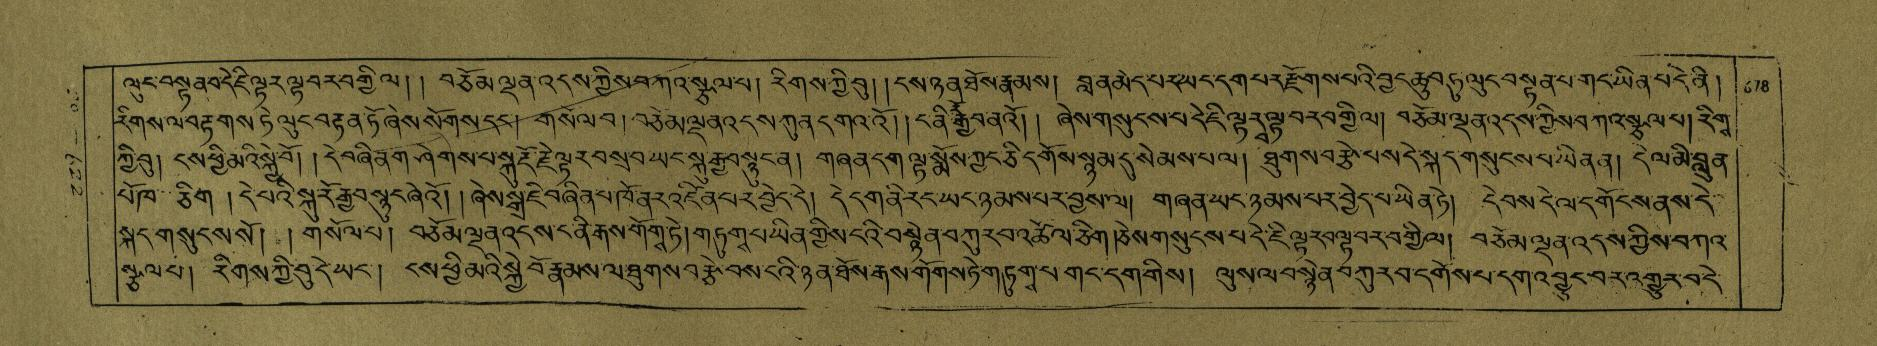ལུང་བསྟན་བ་དེ་ཇི་ལྟར་ལྟ་བར་བགྱི་ལ། །བཅོམ་ལྡན་འདས་ཀྱིས་བཀའ་སྩལ་པ། རིགས་ཀྱི་བུ། །ངས་ཉན་ཐོས་རྣམས། བླ་ན་མེད་པར་ཡང་དག་པར་རྫོགས་པའི་བྱང་ཆུབ་ཏུ་ལུང་བསྟན་པ་གང་ཡིན་པ་དེ་ནི།
རིགས་ལ་བརྟགས་ཏེ་ལུང་བརྟན་ཏོ་ཞེས་སོགས་དང་། གསོལ་བ། བཅོམ་ལྡན་འདས་ཀུན་དགའ་འོ། །ང་ནི་རོ་རྒྱབ་ནའོ། །ཞེས་གསུངས་པ་དེ་ཇི་ལྟར་བལྟ་བར་བགྱི་ལ། བཅོམ་ལྡན་འདས་ཀྱིས་བཀའ་སྩལ་པ། རིགས་
ཀྱི་བུ། ངས་ཕྱི་མའི་སྐྱེ་བོ། །དེ་བཞིན་གཤེགས་པ་སྐུ་རྡོ་རྗེ་ལྟར་བསྲ་བ་ཡང་སྐུ་རྒྱ་བསྙུང་ན། གཞན་དག་ལྟ་སྨོས་ཀྱང་ཅི་དགོས་སྙམ་དུ་སེམས་པ་ལ། ཐུགས་བརྩེ་པས་དེ་སྐད་གསུངས་པ་ཡིན་ན། དེ་ལ་མི་བླུན་
པོ་ཁ་ཅིག །དེ་པའི་སྐུ་རོ་རྒྱབ་སྙུང་ཞེའོ། །ཞེས་སྒྲ་ཇི་བཞིན་པ་ཁོ་ནར་འཛིན་པར་བྱེད་དེ། དེ་དག་ནི་རང་ཡང་ཉམས་པར་བྱས་ལ། གཞན་ཡང་ཉམས་པར་བྱེད་པ་ཡིན་ཏེ། དེ་བས་དེ་ལ་དགོངས་ནས་དེ་
སྐད་གསུངས་སོ། །གསོལ་པ། བཅོམ་ལྡན་འདས་ང་ནི་རྒས་གོགས་ཏེ། གཏུགས་པ་ཡིན་གྱིས་ངའི་བསྙེན་བཀུར་བ་འཚོལ་ཅིག །ཅེས་གསུངས་པ་དེ་ཇི་ལྟར་བལྟ་བར་བགྱི་ལ། བཅོམ་ལྡན་འདས་ཀྱིས་བཀའ་
སྩལ་པ། རིགས་ཀྱི་བུ་དེ་ཡང་། ངས་ཕྱི་མའི་སྐྱེ་བོ་རྣམས་ལ་ཐུགས་བརྩེ་བས་ངའི་ཉན་ཐོས་རྒས་གོགས་ཏེ་གཏུགས་པ་གང་དག་གིས། ལུས་ལ་བསྙེན་བཀུར་བ་དགོས་པ་དག་འབྱུང་བར་འགྱུར་བ་དེ་